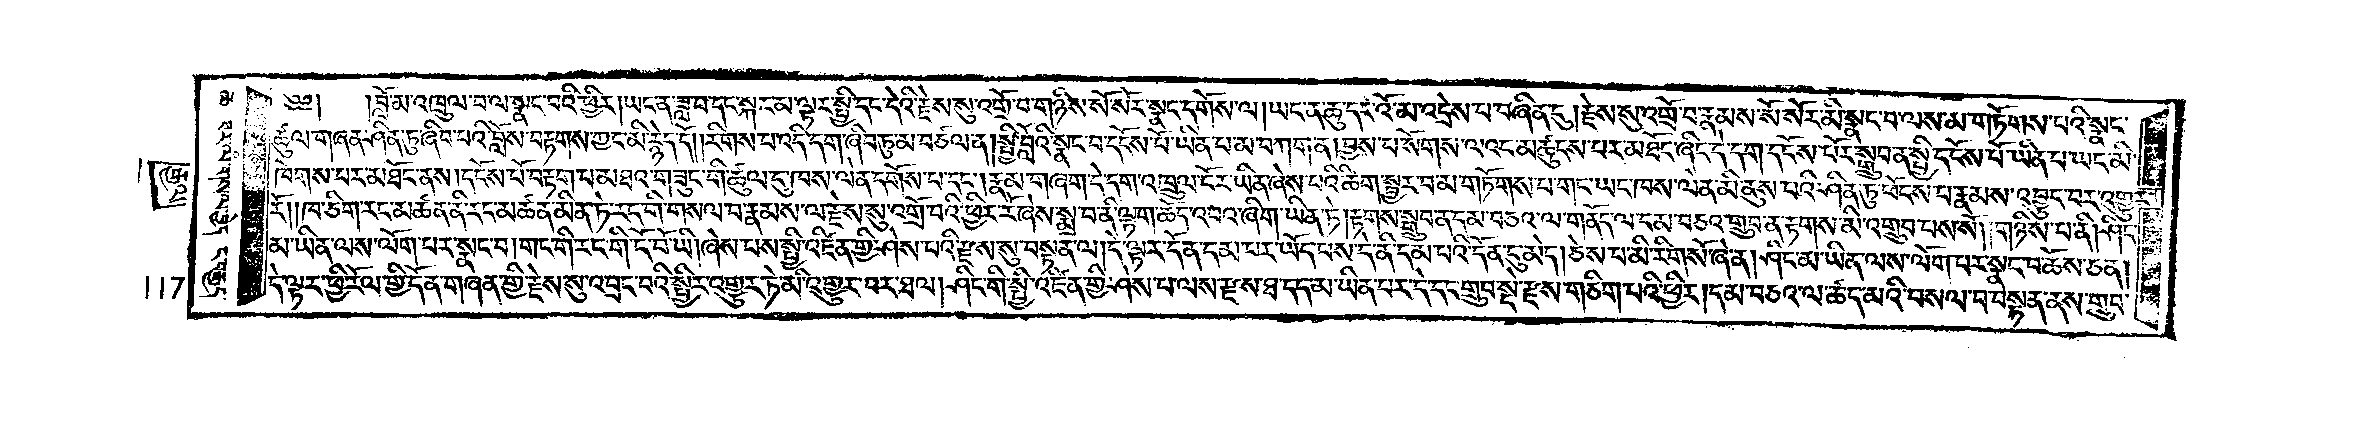༄༅། །བློ་མ་འཁྲུལ་བ་ལ་སྣང་བའི་ཕྱིར། ཡང་ན་ཟླ་བ་དང་སྐར་མ་ལྟར་སྤྱི་དང་དེའི་རྗེས་སུ་འགྲོ་བ་གཉིས་སོ་སོར་སྣང་དགོས་ལ། ཡང་ན་ཆུ་དང་འོ་མ་འདྲེས་པ་བཞིན་དུ། རྗེས་སུ་འགྲོ་བ་རྣམས་སོ་སོར་མི་སྣང་བ་ལས་མ་གཏོགས་པའི་སྣང་
ཚུལ་གཞན་ཤིན་ཏུ་ཞིབ་པའི་བློས་བརྟགས་ཀྱང་མི་རྙེད་དོ། །རིགས་པ་འདི་དག་ཞིབ་ཏུ་མ་བཙལ་ན། སྤྱི་བློའི་སྣང་བ་དངོས་པོ་ཡིན་པ་མ་བཀག་ན། བྱས་པ་སོགས་ལའང་མཚུངས་པར་མཐོང་ཞིང་དེ་དག་དངོས་པོར་སྒྲུབ་ན་སྤྱི་དངོས་པོ་ཡིན་པ་ཡང་མི་
ཁེགས་པར་མཐོང་ནས། དངོས་པོ་བརྟག་པ་མཐའ་གཟུང་གི་ཚུལ་དུ་ཁས་ལེན་དགོས་པ་དང་། རྣམ་གཞག་དེ་དག་འཁྲུལ་ངོར་ཡིན་ཞེས་པའི་ཚིག་སྦྱར་བ་མ་གཏོགས་པ་གང་ཡང་ཁས་ལེན་མི་ནུས་པའི་ཤིན་ཏུ་ཕོངས་པ་རྣམས་འབྱུང་བར་འགྱུར་
རོ། །ཁ་ཅིག་རང་མཚན་ནི་རང་མཚན་མིན་ཏེ་རང་གི་གསལ་བ་རྣམས་ལ་རྗེས་སུ་འགྲོ་བའི་ཕྱིར་རོ་ཞེས་སྨྲ་བ་ནི་ལྟག་ཆོད་འབའ་ཞིག་ཡིན་ཏེ། རྟགས་སྒྲུབ་ན་དམ་བཅའ་ལ་གནོད་ལ་དམ་བཅའ་གྲུབ་ན་རྟགས་མི་འགྲུབ་པས་སོ། །གཉིས་པ་ནི། ཤིང་
མ་ཡིན་ལས་ལོག་པར་སྣང་བ། གང་གི་རང་གི་ངོ་བོ་ཡི། ཞེས་པས་སྤྱི་འཛིན་གྱི་ཤེས་པའི་རྫས་སུ་བསྟན་ལ། དེ་ལྟར་དོན་དམ་པར་ཡོད་པས་དེ་ནི་དམ་པའི་དོན་དུ་མེད། ཅེས་པ་མི་རིགས་སོ་ཞེ་ན། ཤིང་མ་ཡིན་ལས་ལོག་པར་སྣང་བ་ཆོས་ཅན།
དེ་ལྟར་ཕྱི་རོལ་གྱི་དོན་གཞན་གྱི་རྗེས་སུ་འབྲང་བའི་སྤྱིར་འགྱུར་ཏེ་མི་འགྱུར་བར་ཐལ། ཤིང་གི་སྤྱི་འཛིན་གྱི་ཤེས་པ་ལས་རྫས་ཐ་དད་མ་ཡིན་པར་དེ་དང་གྲུབ་སྡེ་རྫས་གཅིག་པའི་ཕྱིར། དམ་བཅའ་ལ་ཚད་མའི་བསལ་བ་བསྟན་ནས་གྲུབ་